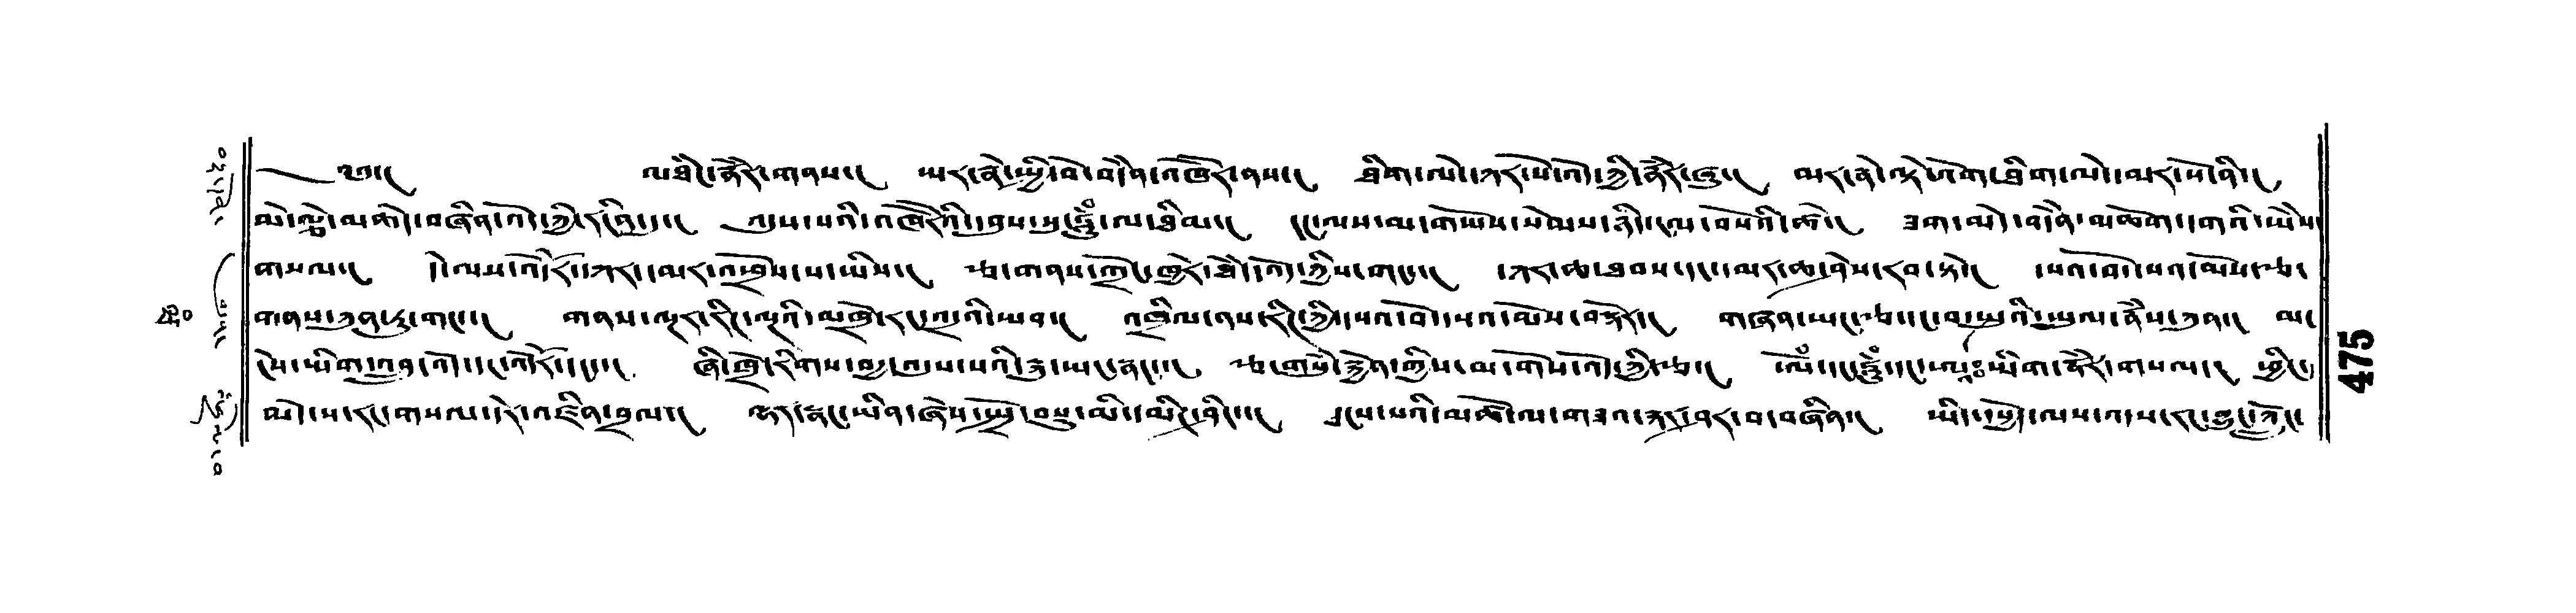མཐིང་རྣམ་པར་གནས། །ཡར་སྣེ་སྤྱི་བོ་བདེ་ཆེན་འཁོར་ལོར་ནས། །ཐིག་ལེ་དཀར་པོ་འོད་ཀྱི་རྣམ་པར་ཞུ། །མར་སྣེ་ལྟེ་འོག་ཐིག་ལེ་དམར་པོ་ནི། །
མེ་ལྕེ་མཆེད་བཞིན་འོད་ཀྱི་རང་བཞིན་དུ། །འདུས་པའི་འཁོར་ལོའི་དབུས་སུ་ཧཱུྃ་ལ་ཐིམ། །ངང་ལས་མ་གཡོས་སེམས་ཉིད་ངལ་བསོའི་ཚེ། །ཟག་མེད་བདེ་ཆེན་མཆོག་དགའི་ཡེ་ཤེས་
གསལ། །དེ་ལས་འོད་ཟེར་དཀར་དམར་འཕྲོས་པ་ཡིས། །རྩ་གནས་གྲོང་ཁྱེར་ཐམས་ཅད་འོད་ཀྱིས་གང་། །དཀར་ཆ་ཐབས་དང་དམར་ཆ་ཤེས་རབ་སྟེ། །དཔའ་བོ་དཔའ་མོས་རྩ་
གནས་ཀུན་ཏུ་གང་། །གནས་ལྔར་རིགས་ལྔའི་མཁའ་འགྲོ་རང་འདྲའི་ཡབ། །འཁྲིལ་ནས་རིགས་ཀྱི་དཔའ་བོ་དཔའ་མོས་བསྐོར། །གཞན་ཡང་རྩ་དང་བ་སྤུའི་ཡུལ་རྣམས་ཀུན། །མ་
ངེས་ཡིག་འབྲུ་འོད་དང་འོད་ཟེར་དང་། །ཞི་ཁྲོ་རིགས་བརྒྱ་འདུས་པའི་སྐུ་ཡང་སྣང་། །རྩ་གསུམ་སྐྱོན་གྱིས་མ་གོས་འོད་ཀྱི་རྩ། །ཨོཾ་དང་ཧཱུྃ་དང་ཨཱཿཡིག་རྣམ་པར་གསལ། །ཕྱི་ནང་
མེད་པ་རང་གསལ་དེར་འཛིན་བྲལ། །ལྷར་སྣང་ཡིན་ཞེས་སྤྲོ་བསྡུ་མི་དམིགས་ཤིང་། །དྭངས་པའི་མཚོ་ལ་གཟའ་སྐར་ཤར་བ་བཞིན། །ཡིད་དཔྱོད་ལས་འདས་རང་བྱུང་ཀློང་